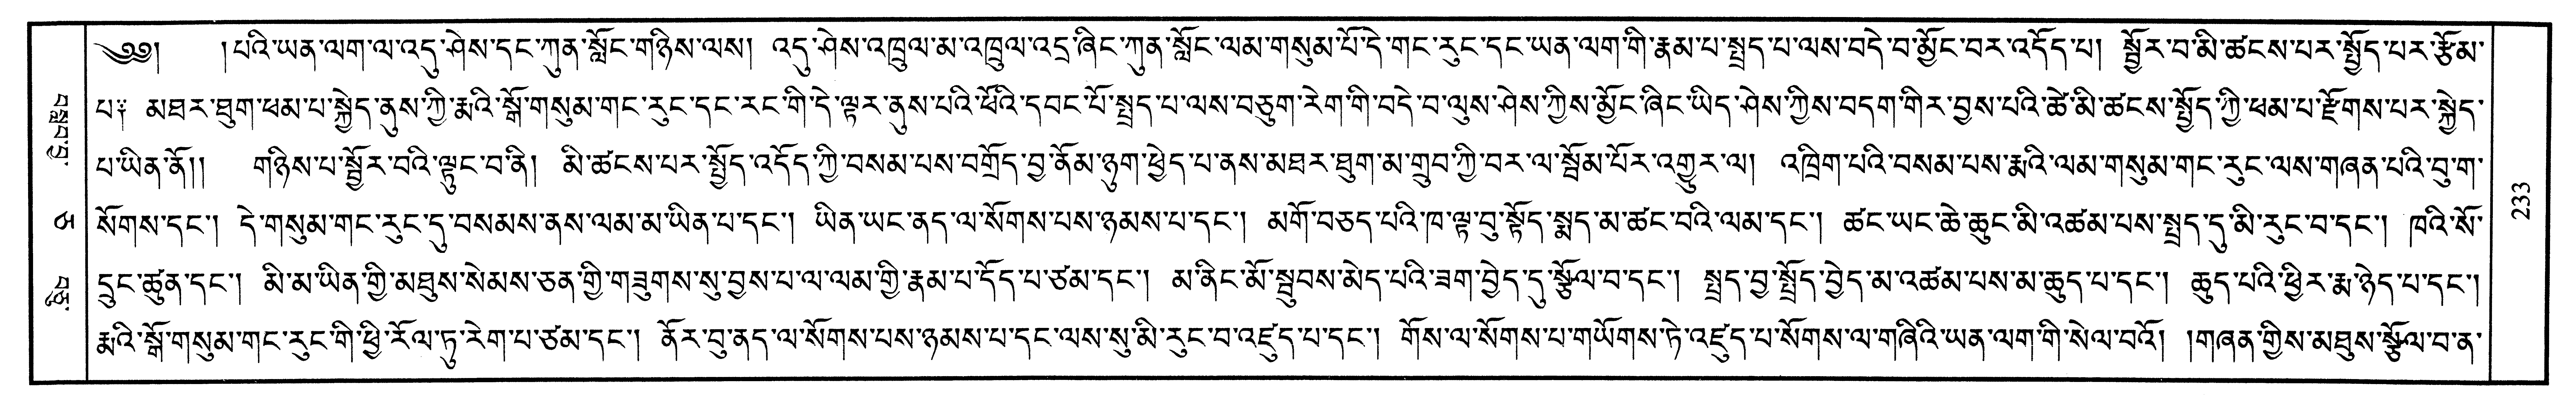༄༅། །པའི་ཡན་ལག་ལ་འདུ་ཤེས་དང་ཀུན་སློང་གཉིས་ལས། འདུ་ཤེས་འཁྲུལ་མ་འཁྲུལ་འདྲ་ཞིང་ཀུན་སློང་ལམ་གསུམ་པོ་དེ་གང་རུང་དང་ཡན་ལག་གི་རྣམ་པ་སྤྲད་པ་ལས་བདེ་བ་མྱོང་བར་འདོད་པ། སྦྱོར་བ་མི་ཚངས་པར་སྤྱོད་པར་རྩོམ་
པ༑ མཐར་ཐུག་ཕམ་པ་སྐྱེད་ནུས་ཀྱི་རྨའི་སྒོ་གསུམ་གང་རུང་དང་རང་གི་དེ་ལྟར་ནུས་པའི་ཕོའི་དབང་པོ་སྤྲད་པ་ལས་བཅུག་རེག་གི་བདེ་བ་ལུས་ཤེས་ཀྱིས་མྱོང་ཞིང་ཡིད་ཤེས་ཀྱིས་བདག་གིར་བྱས་པའི་ཚེ་མི་ཚངས་སྤྱོད་ཀྱི་ཕམ་པ་རྫོགས་པར་སྐྱེད་
པ་ཡིན་ནོ།། གཉིས་པ་སྦྱོར་བའི་ལྟུང་བ་ནི། མི་ཚངས་པར་སྤྱོད་འདོད་ཀྱི་བསམ་པས་བགྲོད་བྱ་ནོམ་ཉུག་ཕྱེད་པ་ནས་མཐར་ཐུག་མ་གྲུབ་ཀྱི་བར་ལ་སྦོམ་པོར་འགྱུར་ལ། འཁྲིག་པའི་བསམ་པས་རྨའི་ལམ་གསུམ་གང་རུང་ལས་གཞན་པའི་བུ་ག་
སོགས་དང་། དེ་གསུམ་གང་རུང་དུ་བསམས་ནས་ལམ་མ་ཡིན་པ་དང་། ཡིན་ཡང་ནད་ལ་སོགས་པས་ཉམས་པ་དང་། མགོ་བཅད་པའི་ཁ་ལྟ་བུ་སྟོད་སྨད་མ་ཚང་བའི་ལམ་དང་། ཚང་ཡང་ཆེ་ཆུང་མི་འཚམ་པས་སྤྲད་དུ་མི་རུང་བ་དང་། ཁའི་སོ་
དྲུང་ཚུན་དང་། མི་མ་ཡིན་གྱི་མཐུས་སེམས་ཅན་གྱི་གཟུགས་སུ་བྱས་པ་ལ་ལམ་གྱི་རྣམ་པ་དོད་པ་ཙམ་དང་། མ་ནིང་མོ་སྦུབས་མེད་པའི་ཟག་བྱེད་དུ་སྩོལ་བ་དང་། སྤྲད་བྱ་སྤྲོད་བྱེད་མ་འཚམ་པས་མ་ཆུད་པ་དང་། ཆུད་པའི་ཕྱིར་རྨ་ཉེད་པ་དང་།
རྨའི་སྒོ་གསུམ་གང་རུང་གི་ཕྱི་རོལ་ཏུ་རེག་པ་ཙམ་དང་། ནོར་བུ་ནད་ལ་སོགས་པས་ཉམས་པ་དང་ལས་སུ་མི་རུང་བ་འཛུད་པ་དང་། གོས་ལ་སོགས་པ་གཡོགས་ཏེ་འཛུད་པ་སོགས་ལ་གཞིའི་ཡན་ལག་གི་སེལ་བའོ། །གཞན་གྱིས་མཐུས་སྩོལ་བ་ན་